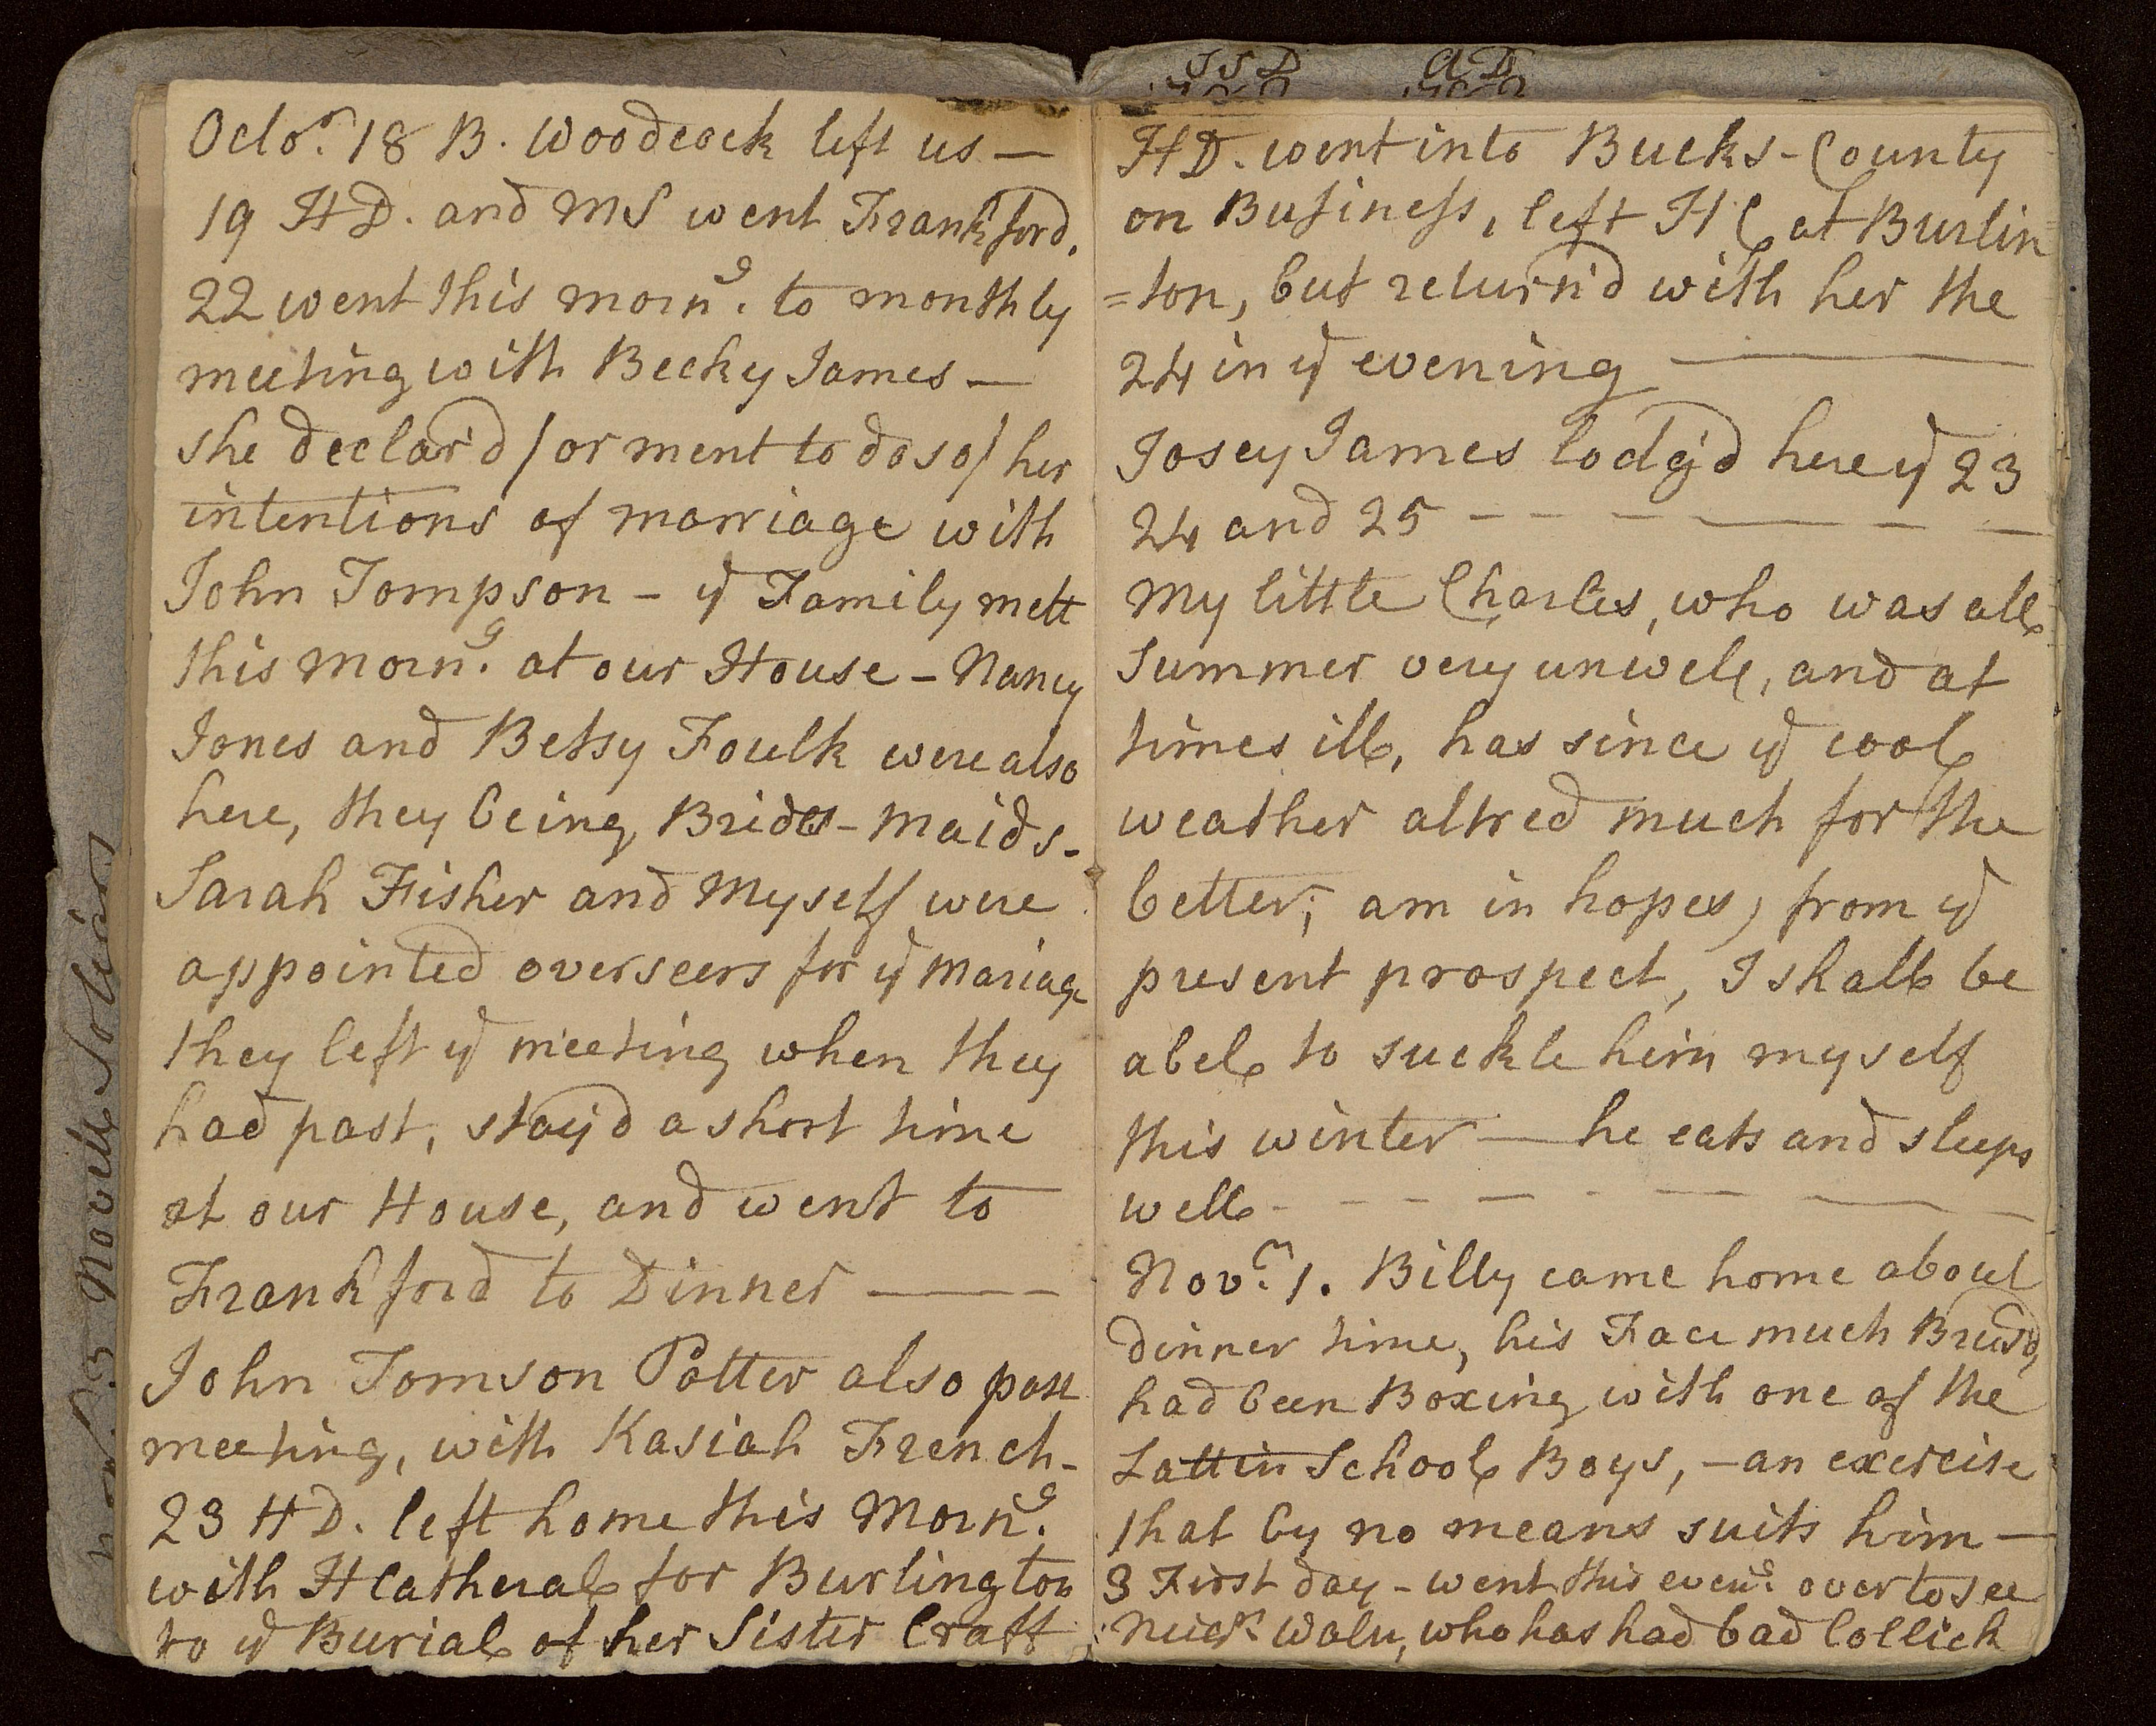Octo^r. 18 B. Woodcock left us-
19 HD and MS went Frankford.
22 went this morn^g. to monthly
meeting with Becky James-
she declar'd /or ment to do so/ her
intentions of marriage with
John Tompson- y^e Family mett
this morn^g. at our House- Nancy
Jones and Betsy Foulk were also
here, they being Brides-Maids.
Sarah Fisher and Myself were
appointed overseers for y^e Mariage
they left y^e meeting, when they
had past, stay'd a short time
at our House, and went to
Frankford to Dinner--
John Tomson Potter also pass
meeting, with Kasiah French-
23 HD. left home this Morn^g.
with H Catheral for Burlington
to y^e Burial of her Sister Craft
HD. went into Bucks-County
on Business, left HC at Burlin
-ton, but return'd with her the
24 in y^e evening
Josey Tames lodg'd here y^e 23
24 and 25
My little Charles, who was all
Summer very unwell, and at
times ill, has since y^e cool
weather altred much for the
better; am in hopes, from y^e
present prospect, I shall be
abel to suckle him myself
this winter- he eats and sleeps
well-
Nov^r. 1. Billy came home about
dinner time, his Face much Brus'd,
had been Boxing with one of the
Lattin School Boys,- an exercise
that by no means suits him-
3 First day- went this even^g. over to see
Neig^r. Waln, who has had bad Collick